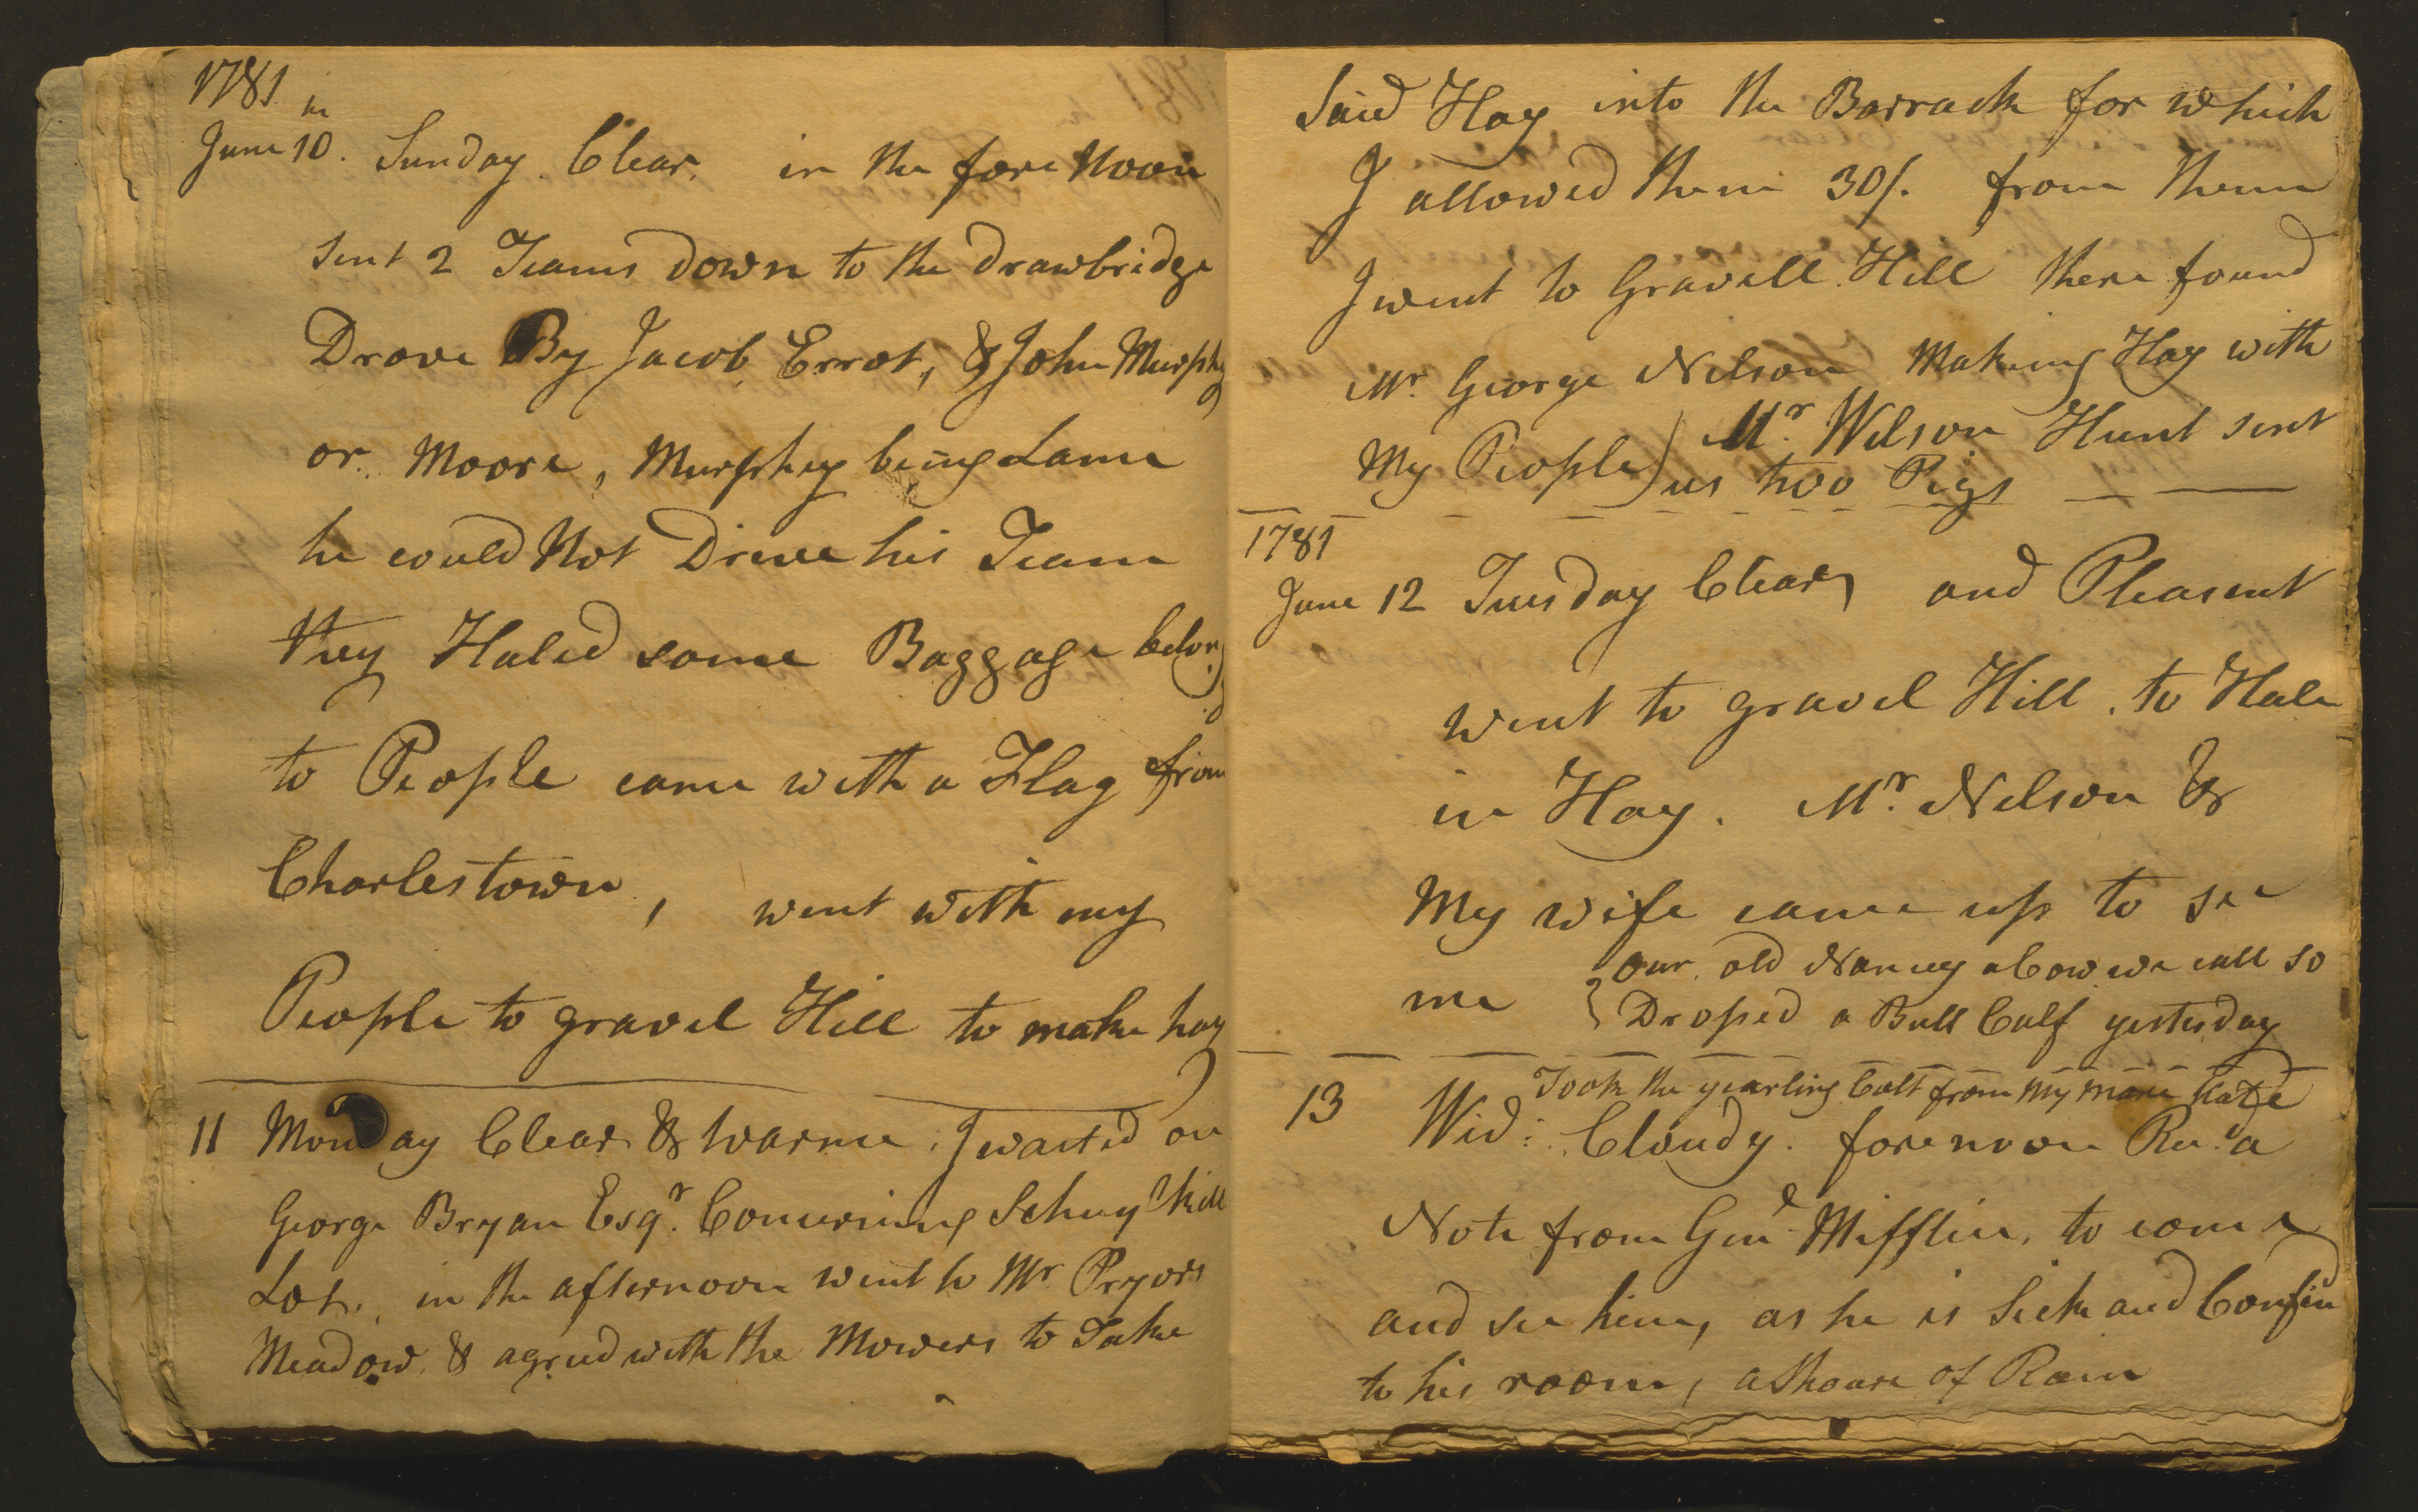1781
June 10^th. Sunday Clear. in the fore noon
Sent 2 Teams down to the drawbridge
Drove By Jacob Errot, & John Murph
or Moore, Murphey being Lame
he could Not Drive his Team
they Haled some Baggage belong
to People came with a Flag from
Charlestown, went with my
People to gravel Hill to make hay
11 Monday Clear & warme, I waited on
George Bryan Esq^r. Concering Schuylkill
Lot, in the afternoon went to M^r. Pryors
Meadow & agreed with the Mowers to Take
Said Hay, into the Barrack for which
I allowed then 30s. from thence
I went to Gravell Hill there found
M^r. George Nelson Making Hay with
My People
M^r. Wilson Hunt sent
us two Pigs
1781
June 12 Tuesday Clear and Pleasent
grent to gravel Hill to Hale
is Hay, M^r. Nelson &
My wife came up to see
me
our old Nancey a Cow we call so
Droped a Bull Calf yesterday
Took the yearling Colt from my mare Kate
13 Wed: Cloudy. forenoon Rec^d a
Note from Gen^l. Mifflin, to come
and see him, as he is Sick and Confine^d
to his room, a shoure of Rain